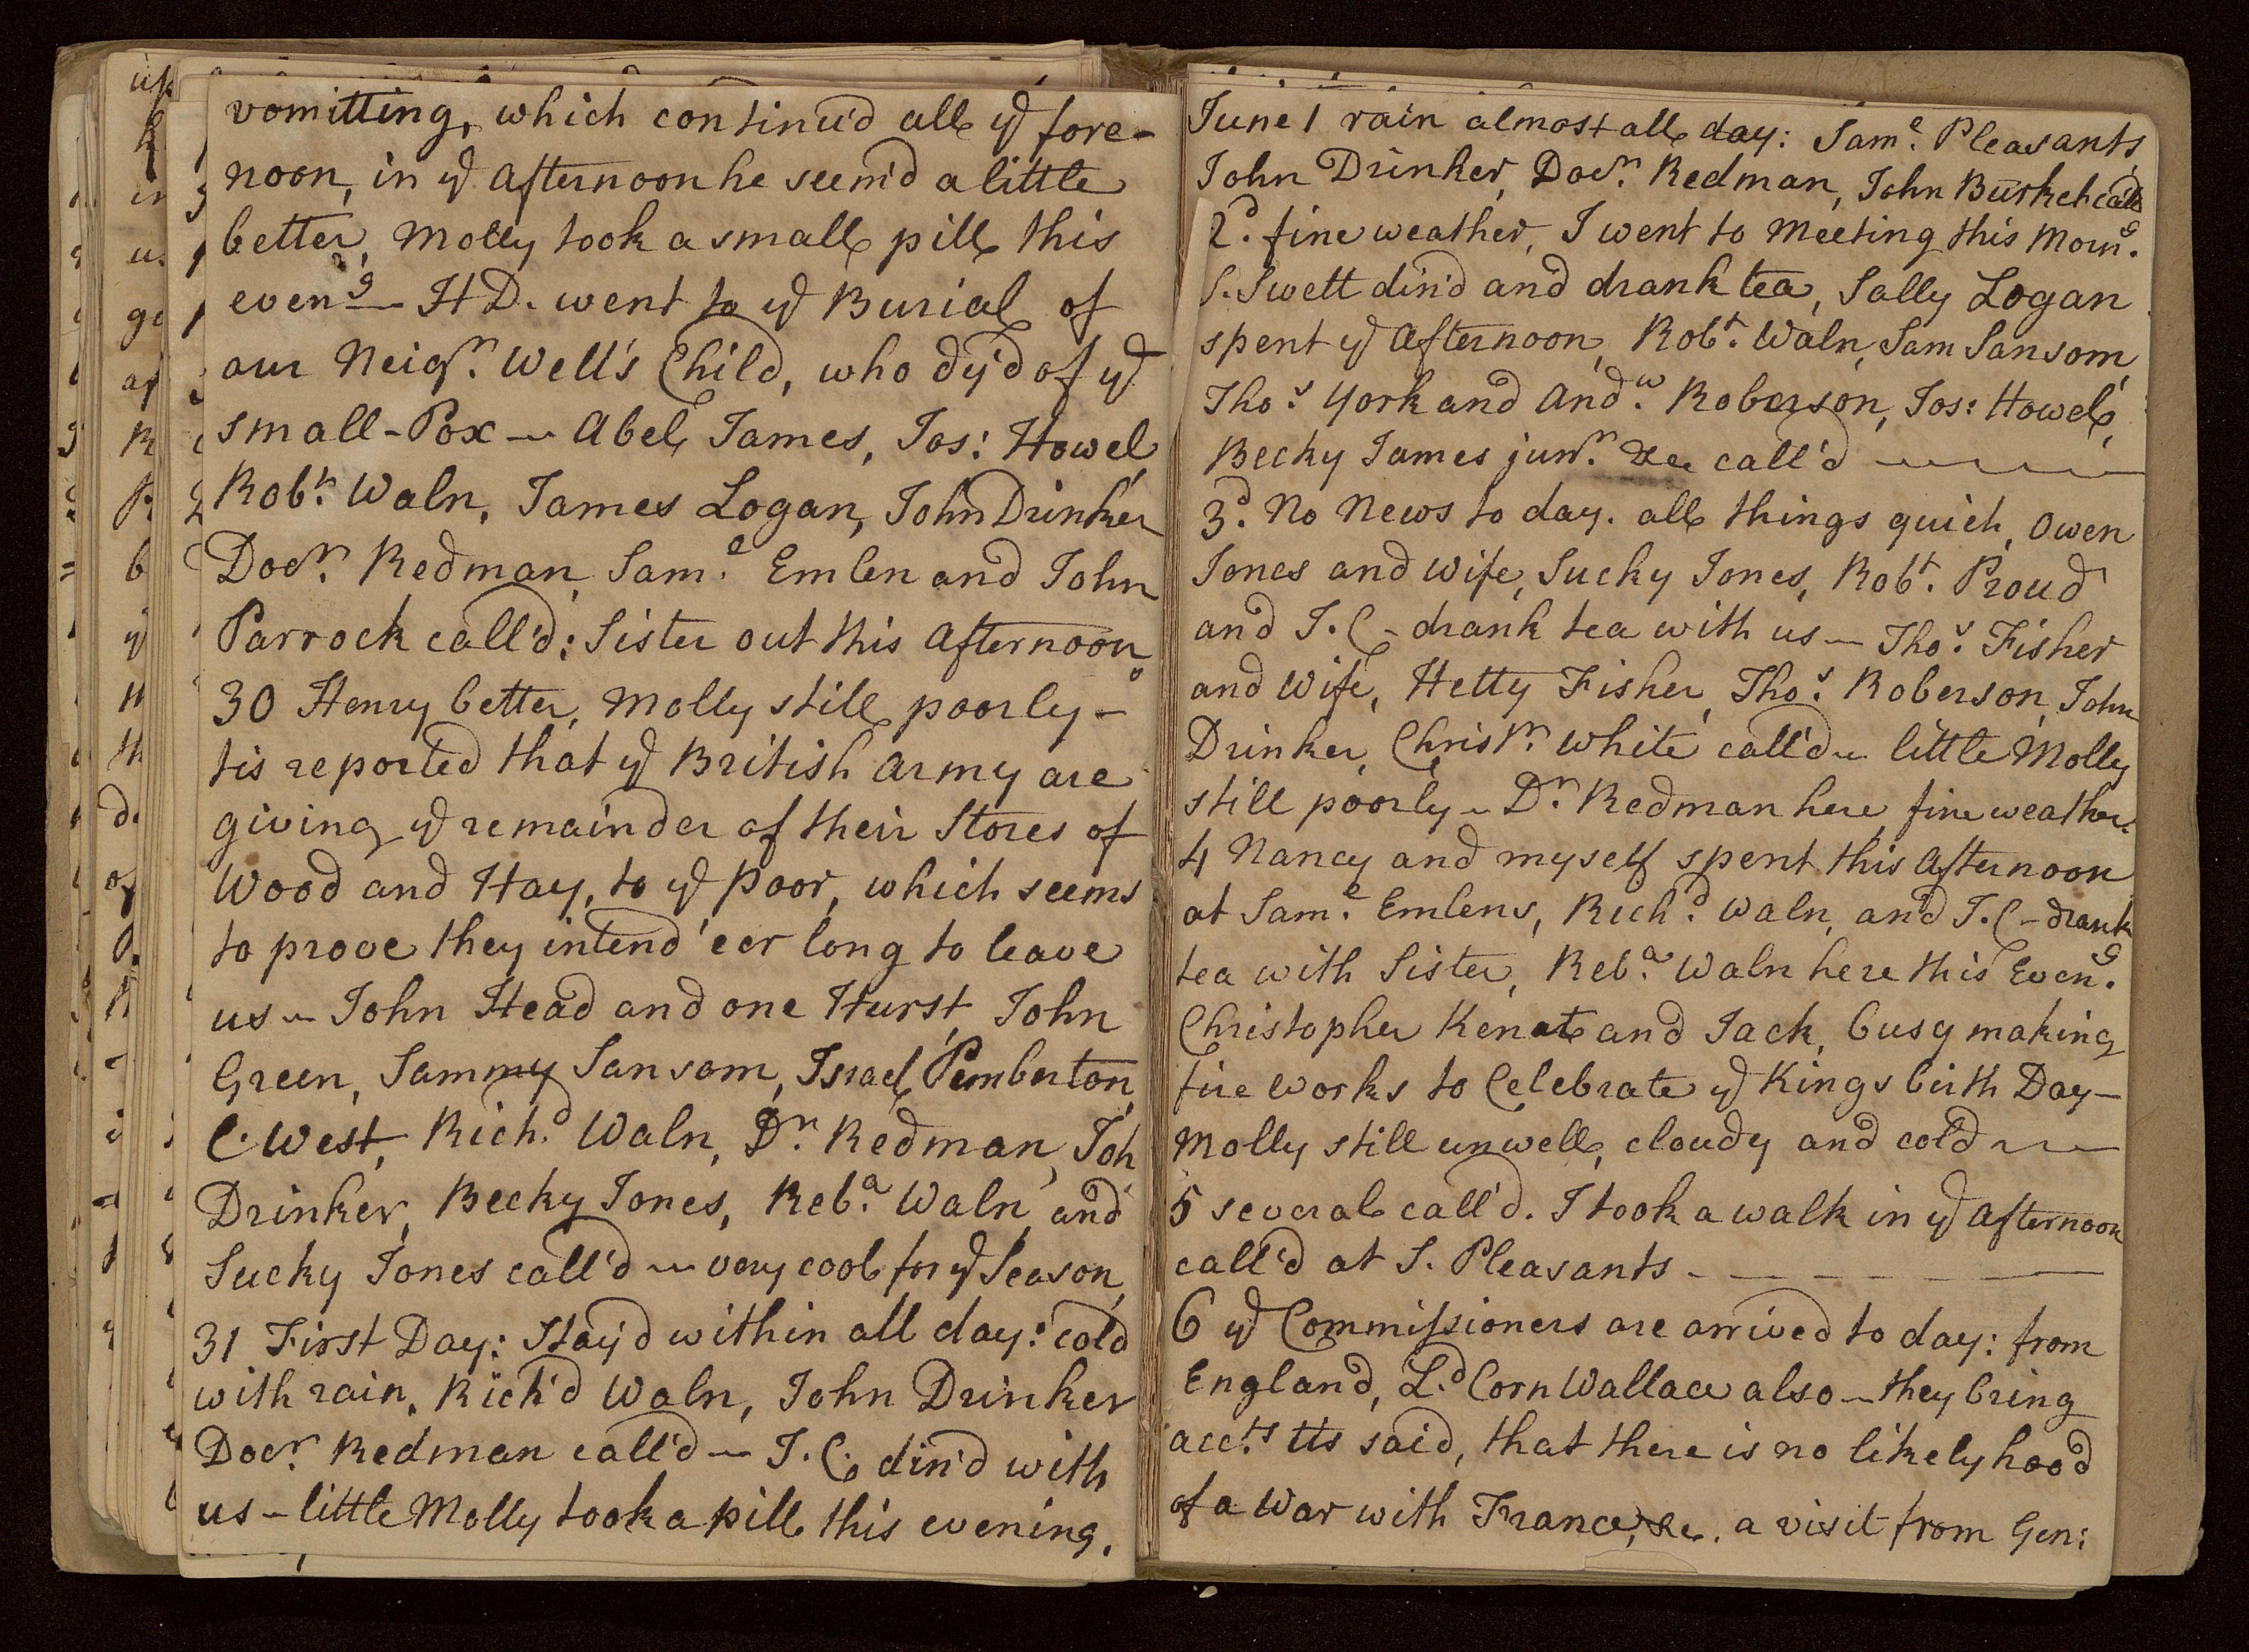vomitting, which continued all y^e fore-
noon, in y^e afternoon he seem'd a little
better, Molly took a small pill this
even^g- HD. went to y^e Burial of
our Neig^r. Well's Child, who dy'd of y^e
Small- Pox- Abel James, Jos: Howel
Rob^t. Waln, James Logan, John Drinker
Doc^r Redman, Sam.^l Emlen and John
Parrock call'd: Sister out this Afternoon
30 Henry better, Molly still poorly-
tis reported that y^e British army are
giving y^e remainder of their Stores of
Wood and Hay, to y^e Poor, which seems
to prove they intend ['e er] long to leave
us- John Head and one Hurst John
Green, Sammy Sansom, Israel Pemberton,
C. West, Rich^d. Waln, D^r. Redman Joh
Drinker, Becky Jones, Reb^a. Waln, and
Sucky Jones call'd- very cool for y^e Season
31 First Day: Stay'd within all day: cold
with rain, Rich'd Waln, John Drinker
Doc^r. Redman call'd- J.C. din'd with
us- little Molly took a pill this evening,
June 1 rain almost all day: Sam^l. Pleasants
John Drinker, Doc^r. Redman, John Burket call'd
2.^d fine weather, I went to meeting this morn^g.
S. Swett din'd and drank tea, Sally Logan
spent y^e Afternoon, Rob^t. Waln, Sam Sansom,
Tho^s. York and And^w. Roberson, Jos: Howel,
Becky James jun^r. &c call'd-
3^d. No News to day. all things quick, Owen
Jones and Wife, Sucky Jones, Rob^t. Proud
and T.C- drank tea with us- Tho^s. Fisher
and Wife, Hetty Fisher, Tho^s. Roberson, John
Drinker, Christ^r. White call'd- little Molly
still poorly- D^r. Redman here fine weather
4 Nancy and myself spent this Afternoon
at Sam^l Emlens, Rich^d. Waln, and T.C- drank
tea with Sister, Reb^a. Waln here this Even^g.
Christopher Kenat and Jack, busy making
fire works to Celebrate y^e Kings birth Day-
Molly still unwell, cloudy and cold-
5 several call'd. I took a walk in y^e Afternoon
call'd at S. Pleasants---
6 y^e Commissioners are arrived to day: from
England, L^d. Corn Wallace also- they bring
acc^ts. tis said, that there is no likelyhood
of a War with France, &c. a visit from Gen: